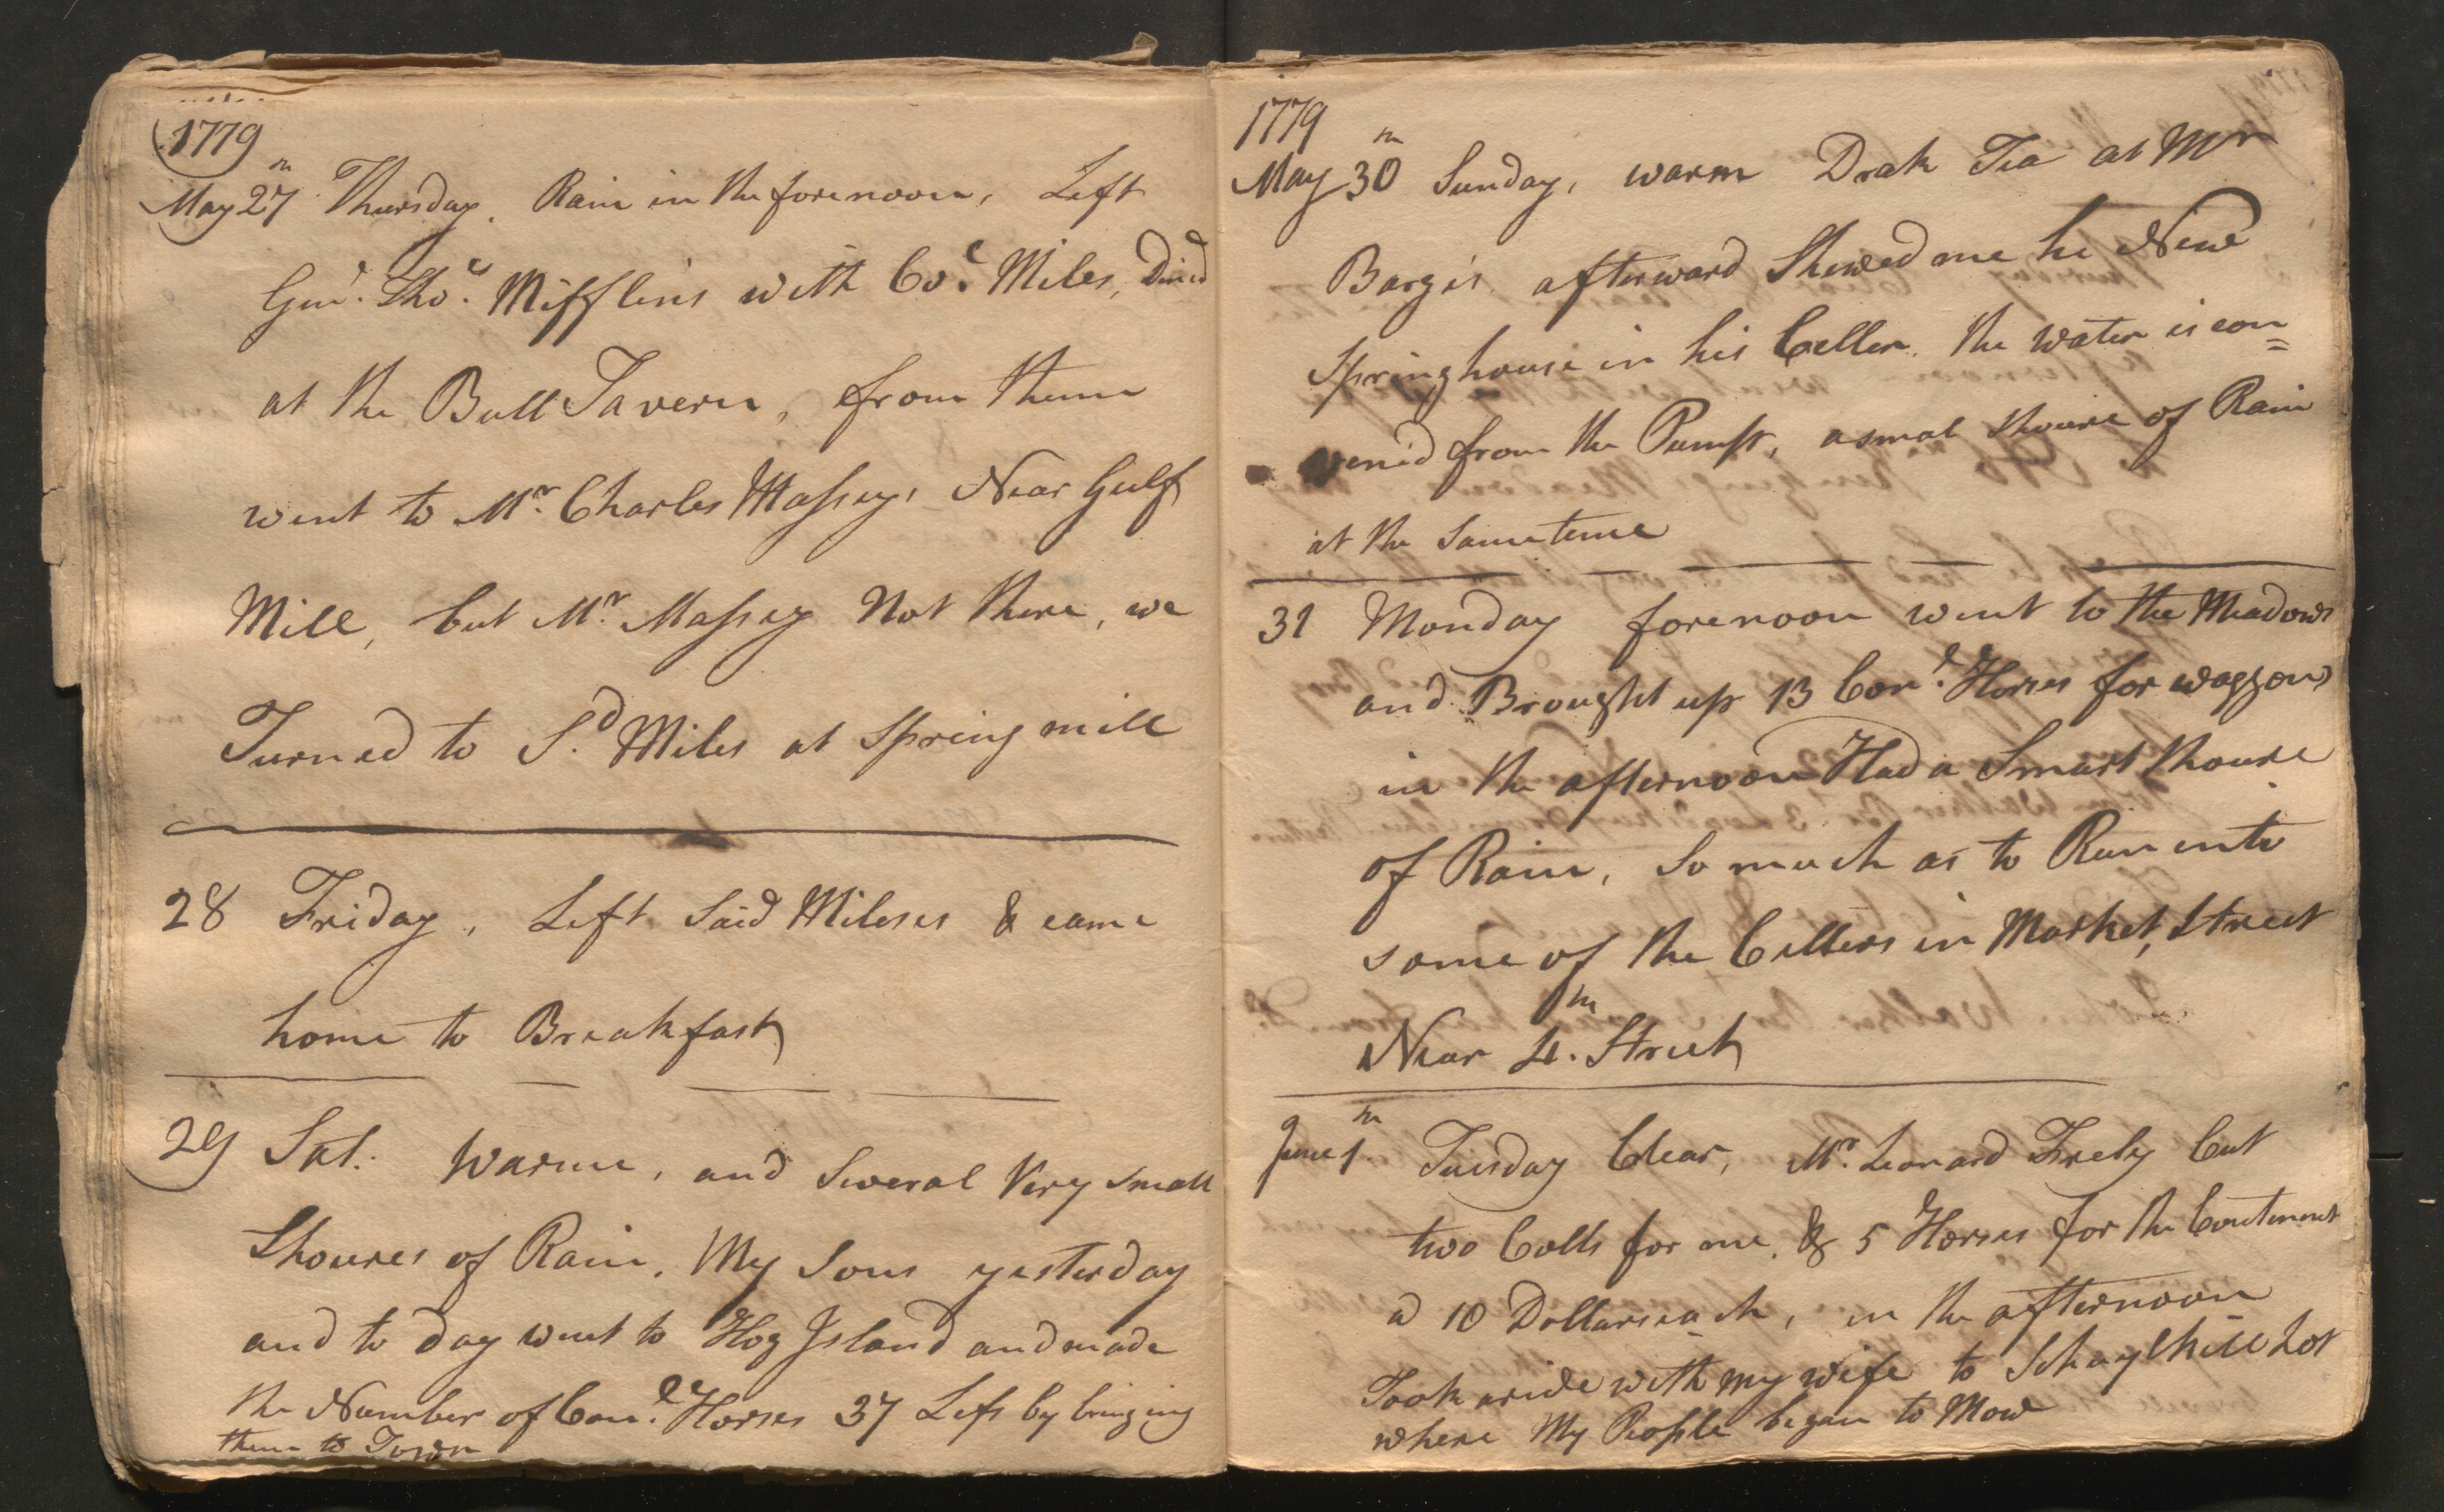1779
May 27^th Thursday Rain in the forenoon, Left
Gen^l. Tho^s. Mifflins with Co^l. Miles, Dined
at the Bull Tavern, from thence
went to M^r. Charles Massey. Near Gulf
Mill but M^r. Massey Not there, we
Turned to S^d. Miles at spring mill
28 Friday, Left Said Mileses & came
home to Breakfast
29 Sat: warme, and Several Very small
Shoures of Rain. My Sons yesterday
and to day went to Hog Island and made
the Number of Con^l. Horses 37 Less by bringing
them to Town
1779
May 30^th Sunday, warm Drak Tea as M^r
Barge's afterward Shewed one he New
Springhouse in his Celler. the Water is con-
ened from the Pump, a smal shoure of Rain
at the Same time
31 Monday forenoon went to the Meadow
and Brought up 13 Con^l. Horses for waggons
in the afternoon Had a small shoure
of Raine, so much as to Run into
some of the Cellers in Market Street
Mhar 4^th. Street
June 1^th. Tuesday Clear, M^r. Leanard Frely Cut
two Colts for one, & 5 Horses for the Continent
@ 10 Dollars each, in the afternoon
Took a ride with my wife to Schuylkill Lot
where My People began to Mow